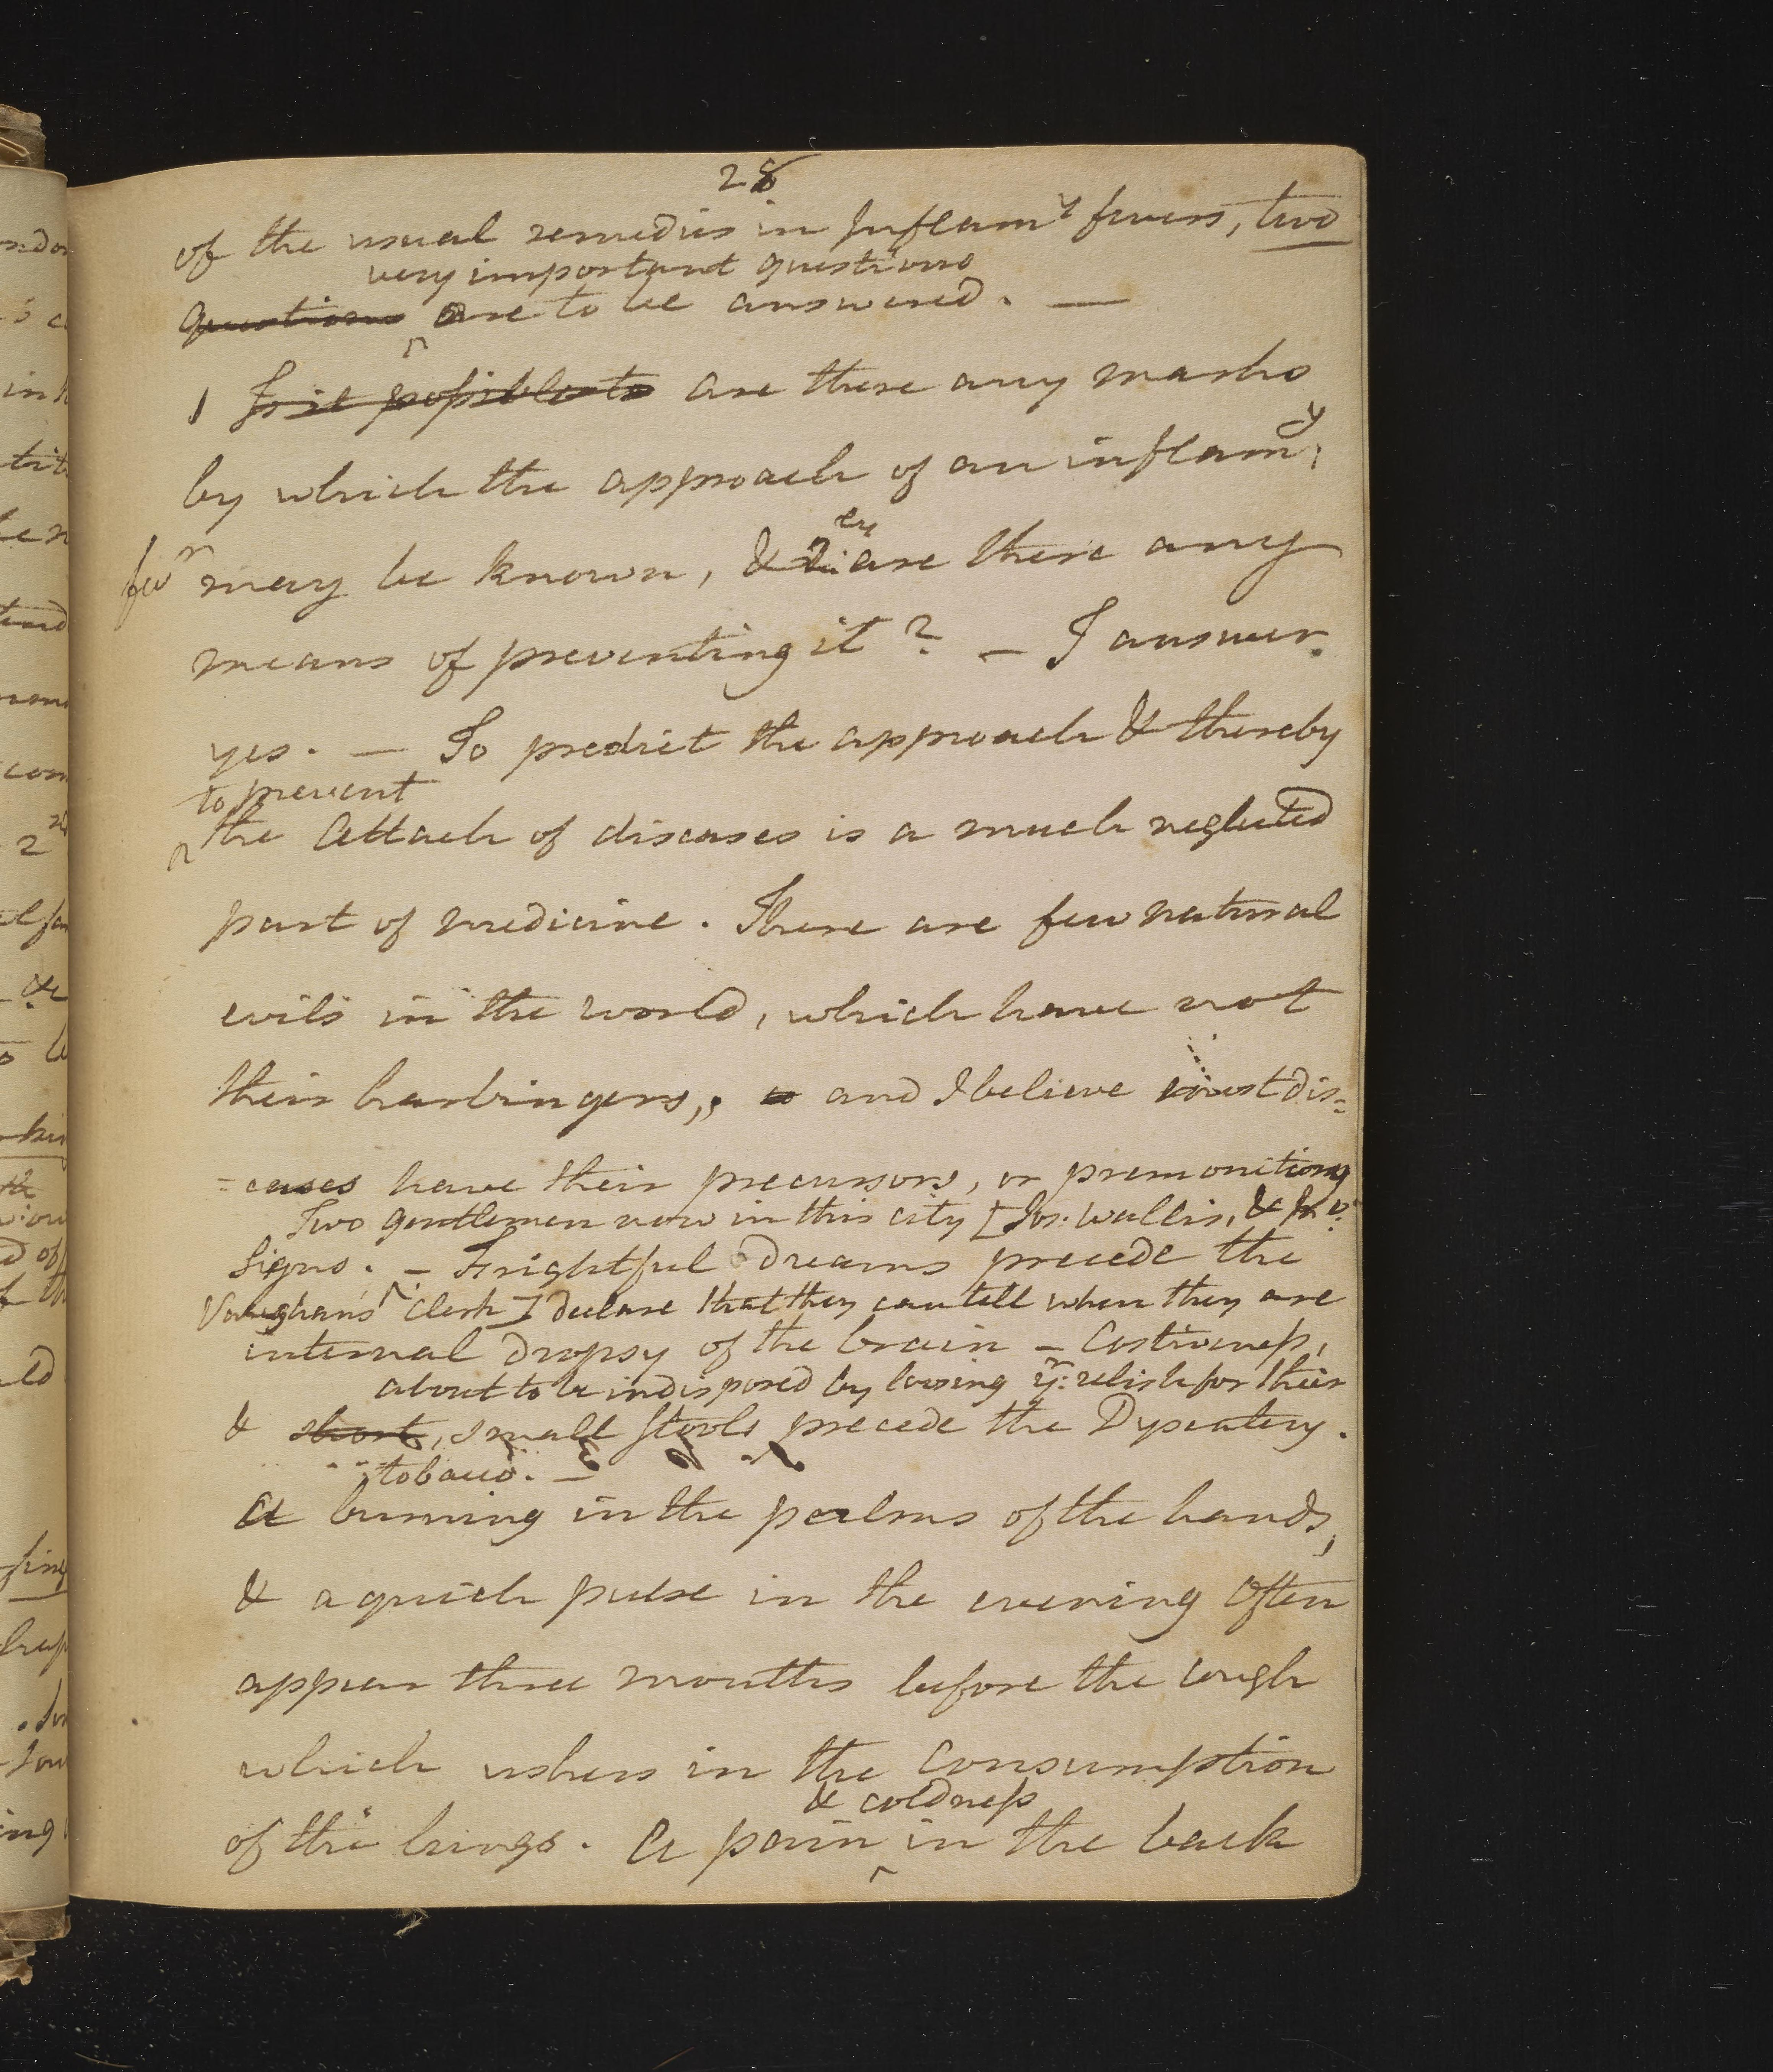28
of the usual remedies in Inflam^y fevers, two
very important questions
[questions] ^ are to be answered.
1 [Is it possible to] Are there any marks
by which the approach of an inflam^y
fev^r may be known, & 2^ly Are there any
means of preventing it? I answer
yes.- To predict the approach & thereby
to prevent
^ the Attack of diseases is a much neglected
part of medicine. There are few natural
evils in the world, which have not
their harbingers, [so] and I believe most dis-
-eases have their preursors, or premonitory
Two gentlemen now in this city (Jos. Wallis & [&c:]
Signs.- Frightful dreams precede the
Vaughan's Clerk) delcare that they can tell when they are
internal Dropsy of the brain, Costiness,
about to be indisposed by losing y^r relish for their
& [short] small stools precede the dysentery
tobacco
A burning in the palms of the hands
& a quick pulse in the evening often
appear three months before the cough
which ushers in the consumption
& coldness
of the lungs. A pain ^ in the back